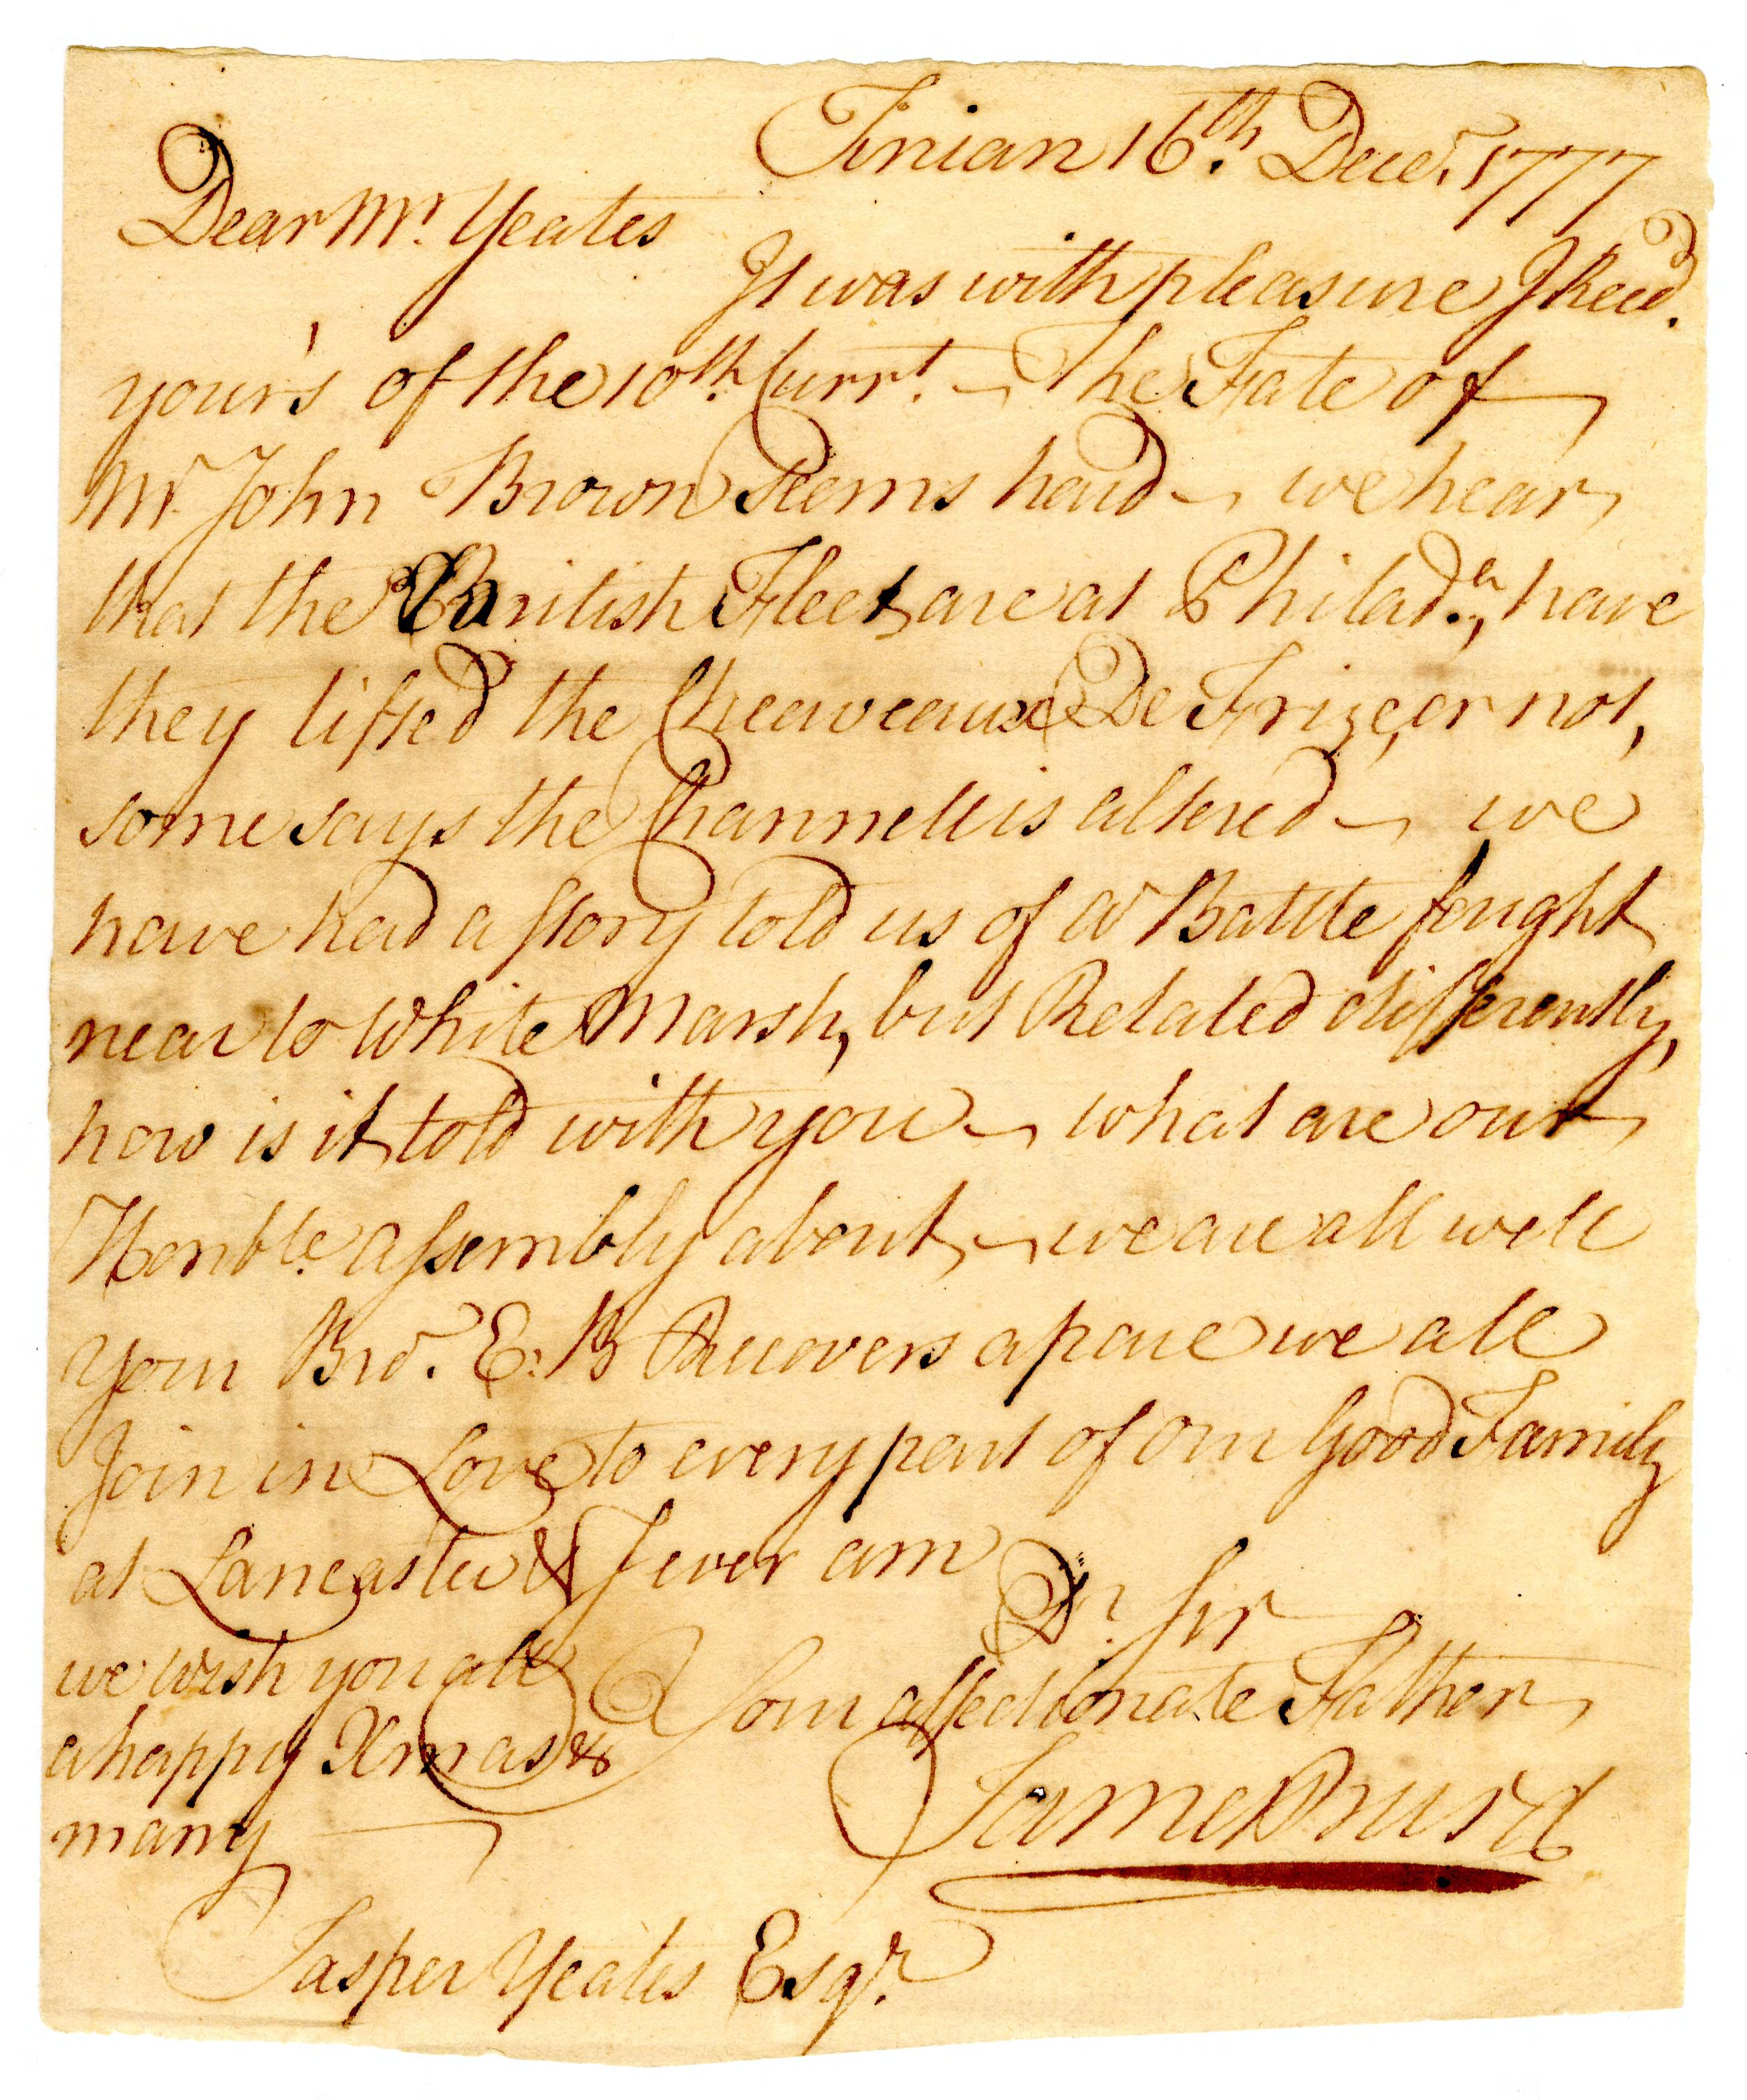Tinian 16^th. Dece^r. 1777
Dear M^r. Yeates
It was with pleasure I Recd.
yours of the 10^th. Curr^t.- The Fate of
M^r. John Brown seems hard- we hear
that the British Fleet are at Philad^a., have
they lifted the Cheaveauxe De Frize, or not,
some says the Channell is altered- we
have had a story told us of a Battle fought
near to White Marsh, but Related differently,
how is it told with you- what are our
Honble. Assembly about- we are all well
your Bro. E: B Recovers as are we all
Join in Love to every part of our Good Family
at Lancaster & I ever am
Dr Sir
You affectionate Father
James Burd
we wish you all
a happy Xmas &
many
Jasper Yeates Esq^r.